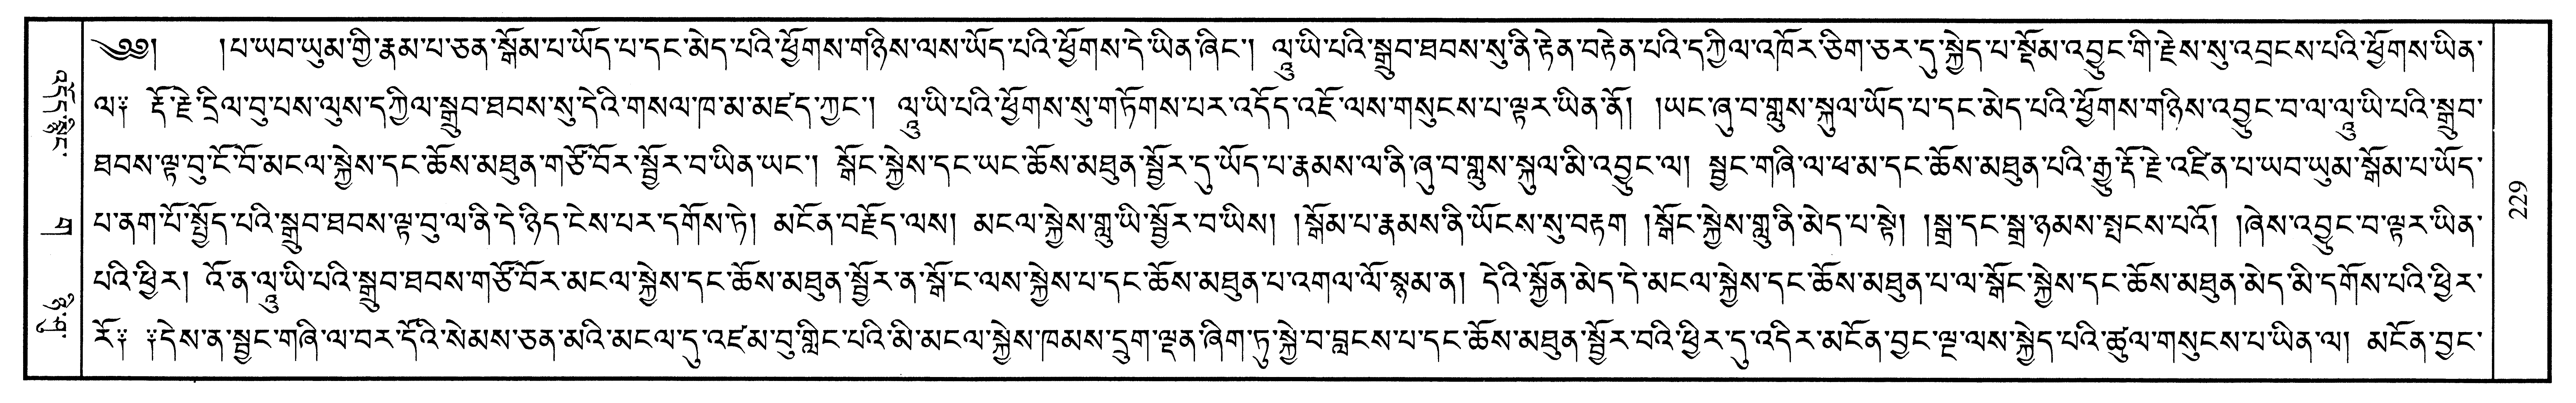༄༅། །པ་ཡབ་ཡུམ་གྱི་རྣམ་པ་ཅན་སྒོམ་པ་ཡོད་པ་དང་མེད་པའི་ཕྱོགས་གཉིས་ལས་ཡོད་པའི་ཕྱོགས་དེ་ཡིན་ཞིང་། ལཱུ་ཡི་པའི་སྒྲུབ་ཐབས་སུ་ནི་རྟེན་བརྟེན་པའི་དཀྱིལ་འཁོར་ཅིག་ཅར་དུ་སྐྱེད་པ་སྡོམ་འབྱུང་གི་རྗེས་སུ་འབྲངས་པའི་ཕྱོགས་ཡིན་
ལ༑ རྡོ་རྗེ་དྲིལ་བུ་པས་ལུས་དཀྱིལ་སྒྲུབ་ཐབས་སུ་དེའི་གསལ་ཁ་མ་མཛད་ཀྱང་། ལཱུ་ཡི་པའི་ཕྱོགས་སུ་གཏོགས་པར་འདོད་འཇོ་ལས་གསུངས་པ་ལྟར་ཡིན་ནོ། །ཡང་ཞུ་བ་གླུས་སྐུལ་ཡོད་པ་དང་མེད་པའི་ཕྱོགས་གཉིས་འབྱུང་བ་ལ་ལཱུ་ཡི་པའི་སྒྲུབ་
ཐབས་ལྟ་བུ་ངོ་བོ་མངལ་སྐྱེས་དང་ཆོས་མཐུན་གཙོ་བོར་སྦྱོར་བ་ཡིན་ཡང་། སྒོང་སྐྱེས་དང་ཡང་ཆོས་མཐུན་སྦྱོར་དུ་ཡོད་པ་རྣམས་ལ་ནི་ཞུ་བ་གླུས་སྐུལ་མི་འབྱུང་ལ། སྦྱང་གཞི་ལ་ཕ་མ་དང་ཆོས་མཐུན་པའི་རྒྱུ་རྡོ་རྗེ་འཛིན་པ་ཡབ་ཡུམ་སྒོམ་པ་ཡོད་
པ་ནག་པོ་སྤྱོད་པའི་སྒྲུབ་ཐབས་ལྟ་བུ་ལ་ནི་དེ་ཉིད་ངེས་པར་དགོས་ཏེ། མངོན་བརྗོད་ལས། མངལ་སྐྱེས་གླུ་ཡི་སྦྱོར་བ་ཡིས། །སྒོམ་པ་རྣམས་ནི་ཡོངས་སུ་བརྟག །སྒོང་སྐྱེས་གླུ་ནི་མེད་པ་སྟེ། །སྒྲ་དང་སྒྲ་ཉམས་སྤངས་པའོ། །ཞེས་འབྱུང་བ་ལྟར་ཡིན་
པའི་ཕྱིར། འོ་ན་ལཱུ་ཡི་པའི་སྒྲུབ་ཐབས་གཙོ་བོར་མངལ་སྐྱེས་དང་ཆོས་མཐུན་སྦྱོར་ན་སྒོ་ང་ལས་སྐྱེས་པ་དང་ཆོས་མཐུན་པ་འགལ་ལོ་སྙམ་ན། དེའི་སྐྱོན་མེད་དེ་མངལ་སྐྱེས་དང་ཆོས་མཐུན་པ་ལ་སྒོང་སྐྱེས་དང་ཆོས་མཐུན་མེད་མི་དགོས་པའི་ཕྱིར་
རོ༑ ༑དེས་ན་སྦྱང་གཞི་ལ་བར་དོའི་སེམས་ཅན་མའི་མངལ་དུ་འཛམ་བུ་གླིང་པའི་མི་མངལ་སྐྱེས་ཁམས་དྲུག་ལྡན་ཞིག་ཏུ་སྐྱེ་བ་བླངས་པ་དང་ཆོས་མཐུན་སྦྱོར་བའི་ཕྱིར་དུ་འདིར་མངོན་བྱང་ལྔ་ལས་སྐྱེད་པའི་ཚུལ་གསུངས་པ་ཡིན་ལ། མངོན་བྱང་